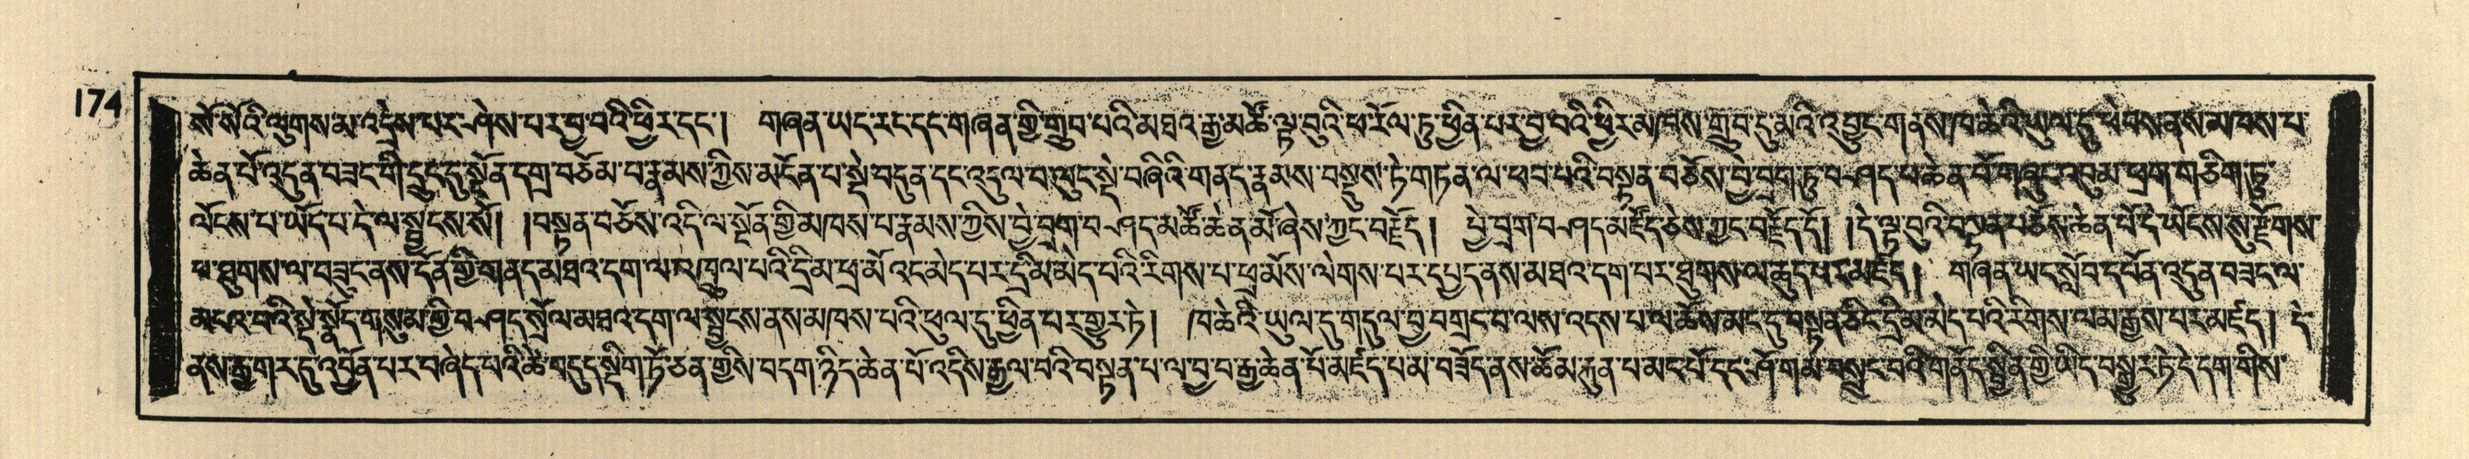སོ་སོའི་ལུགས་མ་འདྲེས་པར་ཤེས་པར་བྱ་བའི་ཕྱིར་དང་། གཞན་ཡང་རང་དང་ཞན་གྱི་གྲུབ་པའི་མཐའ་རྒྱ་མཚོ་ལྟ་བུའི་ཕ་རོལ་ཏུ་ཕྱིན་པར་བྱ་བའི་ཕྱིར་མཁས་གྲུབ་དུ་མའི་འབྱུང་གནས་ཁ་ཆེའི་ཡུལ་དུ་ཕེབས་ནས་མཁས་པ་
ཆེན་པོ་འདུན་བཟང་གི་དྲུང་དུ་སྔོན་དགྲ་བཅོམ་པ་རྣམས་ཀྱིས་མངོན་པ་སྡེ་བདུན་དང་འདུལ་བ་ལུང་སྡེ་བཞིའི་གནད་རྣམས་བསྡུས་ཏེ་གཏན་ལ་ཕབ་པའི་བསྟན་བཅོས་བྱེ་བྲག་ཏུ་བཤད་པ་ཆེན་པོ་གཞུང་འབུམ་ཕྲག་གཅིག་ཏུ་
ལོངས་པ་ཡོད་པ་དེ་ལ་སྦྱངས་སོ། །བསྟན་བཅོས་འདི་ལ་སྔོན་གྱི་གཞན་ཡང་སློབ་དཔོན་འདུན་བཟང་ལ་མངའ་བའི་སྡེ་སྣོད་གསུམ་བརྗོད། ཕྱེ་བྲག་བཤད་མཛོད་ཅེས་ཀྱང་བརྗོད་དོ། །དེ་ལྟ་བུའི་བསྟན་བཅོས་ཆེན་པོ་དེ་ཡོངས་སུ་རྫོགས་
པ་ཐུགས་ལ་བཟུང་ནས་དོན་གྱི་གནད་མཐའ་དག་ལ་འཁྲུལ་པའི་དྲི་མ་ཕྲ་མོའང་མེད་པར་དྲི་མ་མེད་པའི་རིགས་པ་ཕྲ་མོས་ལེགས་པར་དཔྱད་ནས་མཐའ་དག་པར་ཐུགས་ལ་ཆུད་པར་མཛད། གཞན་ཡང་སློབ་དཔོན་འདུན་བཟང་ལ་
མངའ་བའི་སྡེ་སྣོད་གསུམ་གྱི་བཤད་སྲོལ་མཐའ་དག་ལ་སྦྱངས་ནས་མཁས་པའི་ཕུལ་དུ་ཕྱིན་པར་གྱུར་ཏེ། ཁ་ཆེའི་ཡུལ་དུ་གདུལ་བྱ་བགྲང་བ་ལས་འདས་པ་ལ་ཆོས་མང་དུ་བསྟན་ཅིང་དྲི་མ་མེད་པའི་རིགས་ལམ་རྒྱས་པར་མཛད། དེ་
ནས་རྒྱ་གར་དུ་འབྱོན་པར་བཞེད་པའི་ཚེ་བདུད་སྡིག་ཏོ་ཅན་གྱིས་བདག་ཉིད་ཆེན་པོ་འདིས་རྒྱལ་བའི་བསྟན་པ་ལ་བྱ་བ་རྒྱ་ཆེན་པོ་མཛད་པ་མ་བཟོད་ནས་ཆོམ་རྐུན་པ་མང་པོ་དང་ཤོ་གམ་བསྲུང་བའི་གནོད་སྦྱིན་གྱི་ཡིད་བསྒྱུར་ཏེ་དེ་དག་གིས་